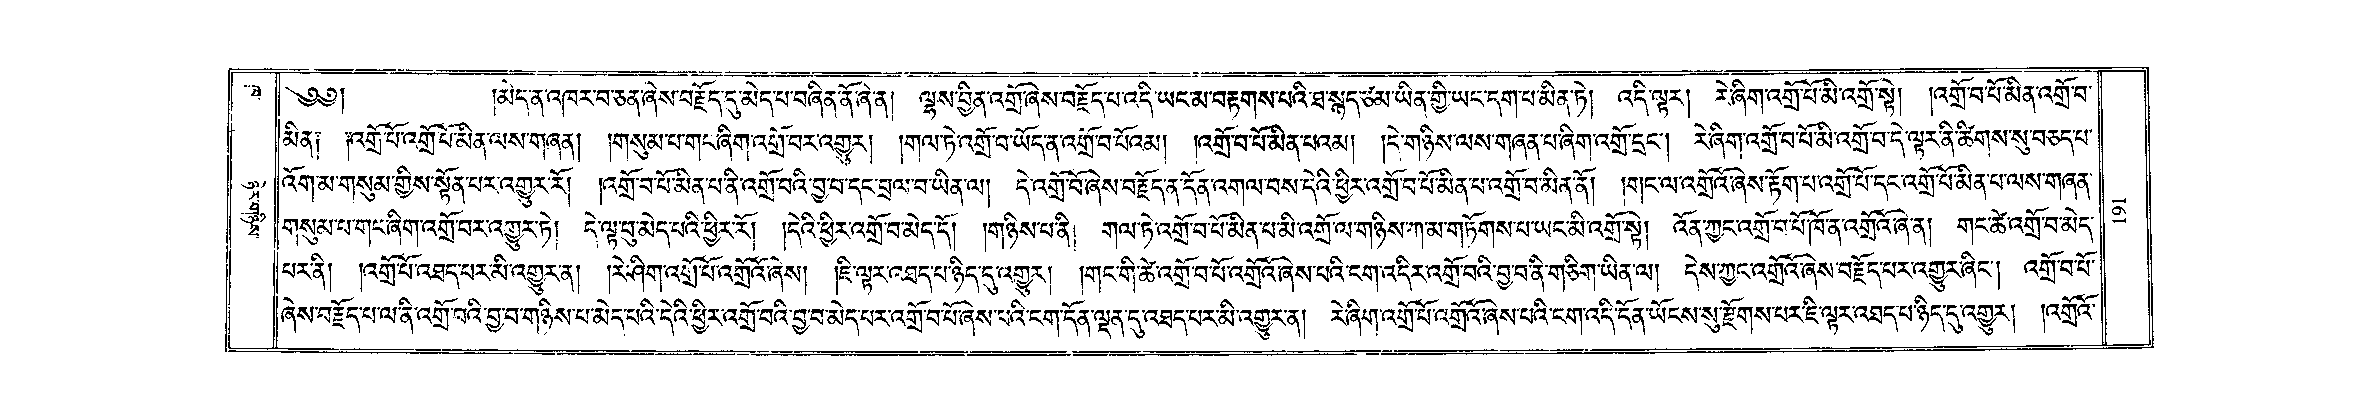༄༅། །མེད་ན་འཁར་བ་ཅན་ཞེས་བརྗོད་དུ་མེད་པ་བཞིན་ནོ་ཞེ་ན། ལྷས་བྱིན་འགྲོ་ཞེས་བརྗོད་པ་འདི་ཡང་མ་བརྟགས་པའི་ཐ་སྙད་ཙམ་ཡིན་གྱི་ཡང་དག་པ་མིན་ཏེ། འདི་ལྟར། རེ་ཞིག་འགྲོ་པོ་མི་འགྲོ་སྟེ། །འགྲོ་བ་པོ་མིན་འགྲོ་བ་
མིན༑ ༑འགྲོ་པོ་འགྲོ་པོ་མིན་ལས་གཞན། །གསུམ་པ་གང་ཞིག་འགྲོ་བར་འགྱུར། །གལ་ཏེ་འགྲོ་བ་ཡོད་ན་འགྲོ་བ་པོའམ། །འགྲོ་བ་པོ་མིན་པའམ། །དེ་གཉིས་ལས་གཞན་པ་ཞིག་འགྲོ་དྲང་། རེ་ཞིག་འགྲོ་བ་པོ་མི་འགྲོ་བ་དེ་ལྟར་ནི་ཚིགས་སུ་བཅད་པ་
འོག་མ་གསུམ་གྱིས་སྟོན་པར་འགྱུར་རོ། །འགྲོ་བ་པོ་མིན་པ་ནི་འགྲོ་བའི་བྱ་བ་དང་བྲལ་བ་ཡིན་ལ། དེ་འགྲོ་བོ་ཞེས་བརྗོད་ན་དོན་འགལ་བས་དེའི་ཕྱིར་འགྲོ་བ་པོ་མིན་པ་འགྲོ་བ་མིན་ནོ། །གང་ལ་འགྲོའོ་ཞེས་རྟོག་པ་འགྲོ་པོ་དང་འགྲོ་པོ་མིན་པ་ལས་གཞན་
གསུམ་པ་གང་ཞིག་འགྲོ་བར་འགྱུར་ཏེ། དེ་ལྟ་བུ་མེད་པའི་ཕྱིར་རོ། །དེའི་ཕྱིར་འགྲོ་བ་མེད་དོ། །གཉིས་པ་ནི། གལ་ཏེ་འགྲོ་བ་པོ་མིན་པ་མི་འགྲོ་ལ་གཉིས་ཀ་མ་གཏོགས་པ་ཡང་མི་འགྲོ་སྟེ། འོན་ཀྱང་འགྲོ་བ་པོ་ཁོ་ན་འགྲོའོ་ཞེ་ན། གང་ཚེ་འགྲོ་བ་མེད་
པར་ནི། །འགྲོ་པོ་འཐད་པར་མི་འགྱུར་ན། །རེ་ཤིག་འགྲོ་པོ་འགྲོའོ་ཞེས། །ཇི་ལྟར་འཐད་པ་ཉིད་དུ་འགྱུར། །གང་གི་ཚེ་འགྲོ་བ་པོ་འགྲོའོ་ཞེས་པའི་ངག་འདིར་འགྲོ་བའི་བྱ་བ་ནི་གཅིག་ཡིན་ལ། དེས་ཀྱང་འགྲོའོ་ཞེས་བརྗོད་པར་འགྱུར་ཞིང་། འགྲོ་བ་པོ་
ཞེས་བརྗོད་པ་ལ་ནི་འགྲོ་བའི་བྱ་བ་གཉིས་པ་མེད་པའི་དེའི་ཕྱིར་འགྲོ་བའི་བྱ་བ་མེད་པར་འགྲོ་བ་པོ་ཞེས་པའི་ངག་དོན་ལྡན་དུ་འཐད་པར་མི་འགྱུར་ན། རེ་ཞིག་འགྲོ་པོ་འགྲོའོ་ཞེས་པའི་ངག་འདི་དོན་ཡོངས་སུ་རྫོགས་པར་ཇི་ལྟར་འཐད་པ་ཉིད་དུ་འགྱུར། །འགྲོའོ་